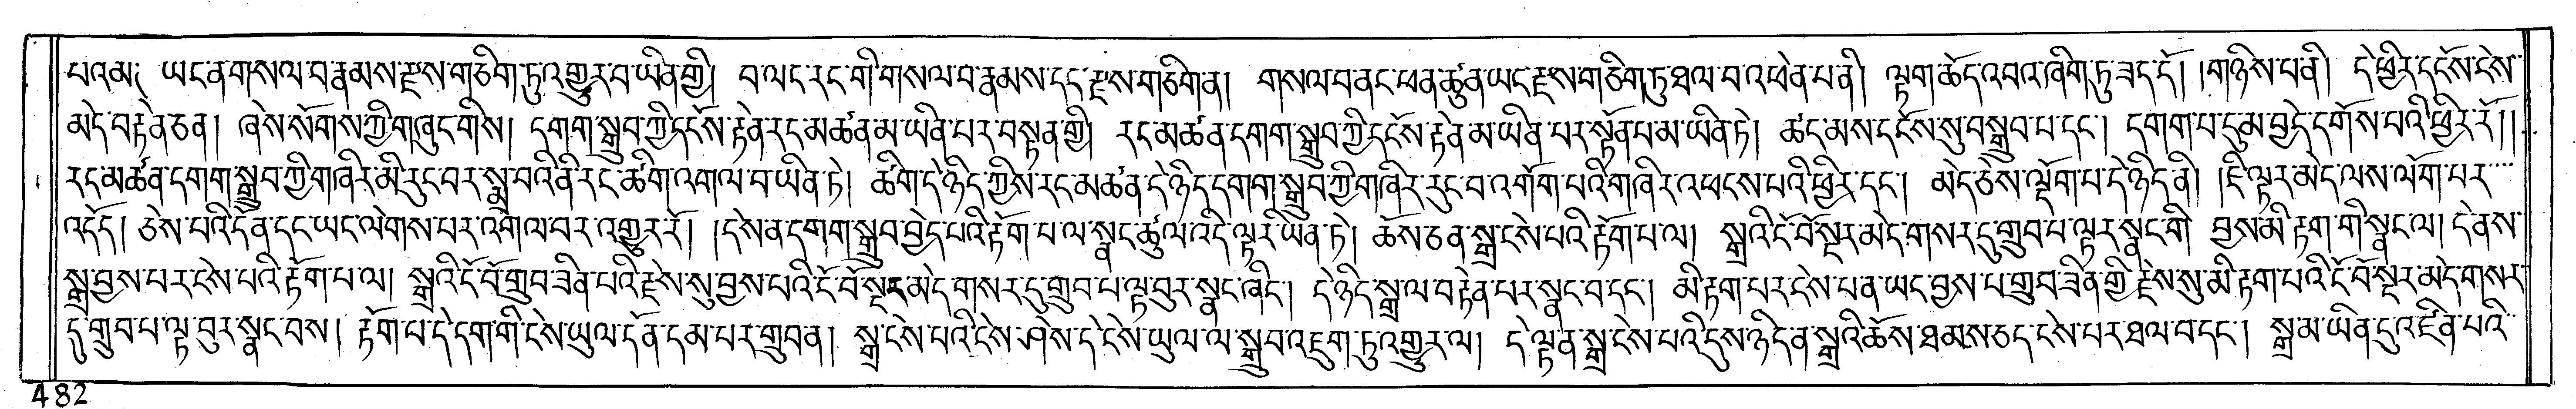པའམ༑ ཡང་ན་གསལ་བ་རྣམས་རྫས་གཅིག་ཏུ་འགྱུར་བ་ཡིན་གྱི། བ་ལང་རང་གི་གསལ་བ་རྣམས་དང་རྫས་གཅིག་ན། གསལ་བ་ནང་ཕན་ཚུན་ཡང་རྫས་གཅིག་ཏུ་ཐལ་བ་འཕེན་པ་ནི། ལྟག་ཆོད་འབའ་ཞིག་ཏུ་ཟད་དོ། །གཉིས་པ་ནི། དེ་ཕྱིར་དངོས་ངེས་
མེད་བརྟེན་ཅན། ཞེས་སོགས་ཀྱི་གཞུང་གིས། དགག་སྒྲུབ་ཀྱི་དངོས་རྟེན་རང་མཚན་མ་ཡིན་པར་བསྟན་གྱི། རང་མཚན་དགག་སྒྲུབ་ཀྱི་དངོས་རྟེན་མ་ཡིན་པར་སྟོན་པ་མ་ཡིན་ཏེ། ཚད་མས་དངོས་སུ་བསྒྲུབ་པ་དང་། དགག་པ་དུ་མ་བྱེད་དགོས་པའི་ཕྱིར་རོ།།
རང་མཚན་དགག་སྒྲུབ་ཀྱི་གཞིར་མི་རུང་བར་སྨྲ་བའི་ནི་རང་ཚིག་འགལ་བ་ཡིན་ཏེ། ཚིག་དེ་ཉིད་ཀྱིས་རང་མཚན་དེ་ཉིད་དགག་སྒྲུབ་ཀྱི་གཞིར་རུང་བ་འགོག་པའི་གཞིར་འཕངས་པའི་ཕྱིར་དང་། མེད་ཅེས་ལྡོག་པ་དེ་ཉིད་ནི། །ཇི་ལྟར་མེད་ལས་ལོག་པར་
འདོད། ཅེས་པའི་དོན་དང་ཡང་ལེགས་པར་འགལ་བར་འགྱུར་རོ། །དེས་ན་དགག་སྒྲུབ་བྱེད་པའི་རྟོག་པ་ལ་སྣང་ཚུལ་འདི་ལྟར་ཡིན་ཏེ། ཆོས་ཅན་སྒྲ་ངེས་པའི་རྟོག་པ་ལ། སྒྲའི་ངོ་བོ་སྔར་མེད་གསར་དུ་གྲུབ་པ་ལྟར་སྣང་གི་བྱས་མི་རྟག་གི་སྣང་ལ། དེ་ནས་
སྒྲ་བྱས་པར་ངེས་པའི་རྟོག་པ་ལ། སྒྲའི་ངོ་བོ་གྲུབ་ཟིན་པའི་རྗེས་སུ་བྱས་པའི་ངོ་བོ་སྔར་མེད་གསར་དུ་གྲུབ་པ་ལྟ་བུར་སྣང་ཞིང་། དེ་ཉིད་སྒྲ་ལ་བརྟེན་པར་སྣང་བ་དང་། མི་རྟག་བར་ངེས་པ་ན་ཡང་བྱས་པ་གྲུབ་ཟིན་གྱི་རྗེས་སུ་མི་རྟག་པའི་ངོ་བོ་སྔར་མེད་གསར་
དུ་གྲུབ་པ་ལྟ་བུར་སྣང་བས། རྟོག་པ་དེ་དག་གི་ངེས་ཡུལ་དོན་དམ་པར་གྲུབ་ན། སྒྲ་ངེས་པའི་ངེས་ཤེས་དེ་ངེས་ཡུལ་ལ་སྒྲུབ་འཇུག་ཏུ་འགྱུར་ལ། དེ་ལྟ་ན་སྒྲ་ངེས་པའི་དུས་ཉིད་ན་སྒྲའི་ཆོས་ཐམས་ཅད་ངེས་པར་ཐལ་བ་དང་། སྒྲ་མ་ཡིན་དུ་འཛིན་པའི་